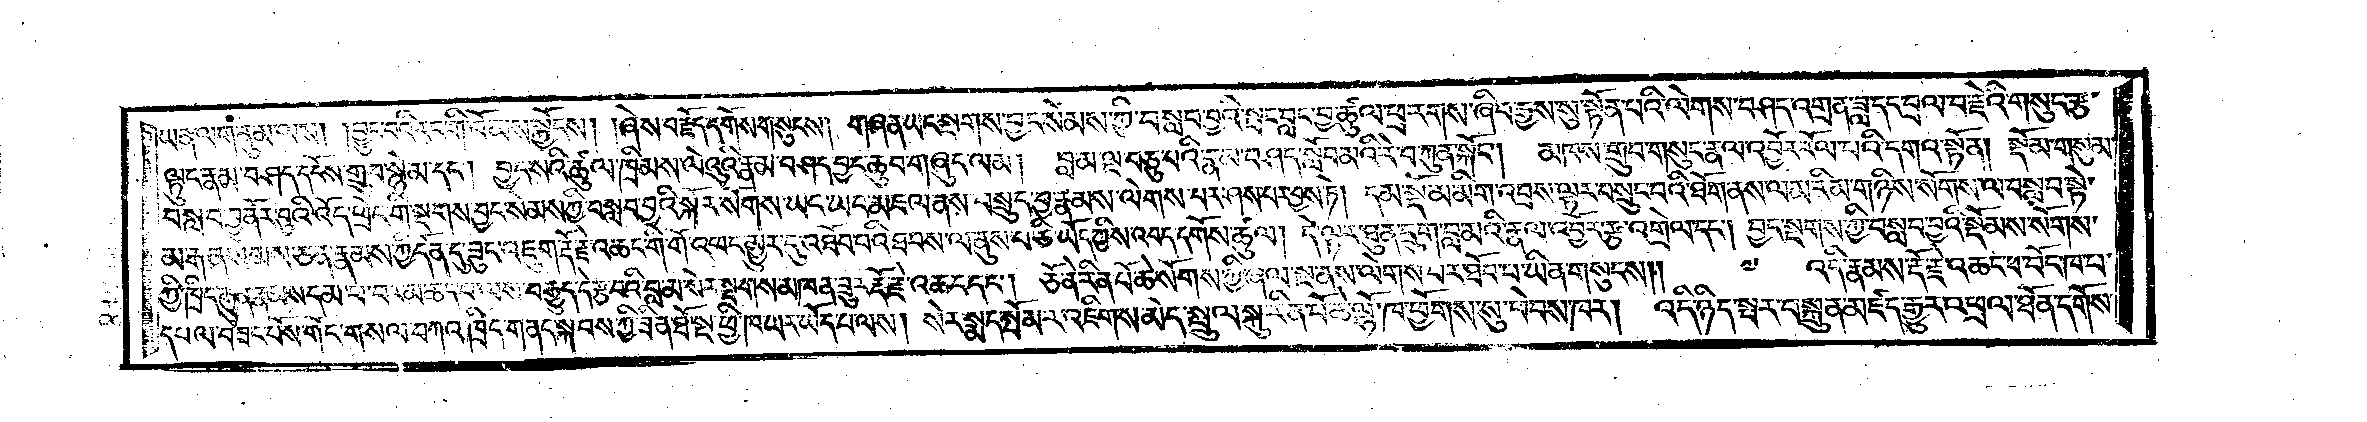ཡན་ལག་ནུ་མ་ལས། །བྱུང་བའི་རང་གི་འོ་མས་སྐྱོངས། །ཞེས་བརྗོད་དགོས་གསུངས། གཞན་ཡང་སྔགས་བྱང་སེམས་ཀྱི་བསླབ་བྱའི་སྤང་བླང་བྱ་ཚུལ་ཕྲ་རགས་ཞིབ་རྒྱས་སུ་སྟོན་པའི་ལེགས་བཤད་འགྲན་ཟླ་དད་བྲལ་བ་རྗེའི་གསུང་རྩ་
ལྟུང་རྣམ་བཤད་དངོས་གྲུབ་སྙེ་མ་དང་། བྱང་སའི་ཚུལ་ཁྲིམས་ལེའུའི་རྣམ་བཤད་བྱང་ཆུབ་གཞུང་ལམ། བླ་མ་ལྔ་བཅུ་པའི་རྣམ་བཤད་སློབ་མའི་རེ་བ་ཀུན་སྐོང་། མཁས་གྲུབ་གསུང་རྣལ་འབྱོར་རོལ་པའི་དགའ་སྟོན། སྡོམ་གསུམ་
བསླབ་བྱ་ནོར་བུའི་འདོ་ཕྲེང་གི་སྔགས་བྱང་སེམས་ཀྱི་བསླབ་བྱའི་སྐོར་སོགས་ཡང་ཡང་མཇལ་ནས་བསྲུང་བྱ་རྣམ་ལེགས་པར་ཤེས་པར་བྱས་ཏེ། དམ་སྡོམ་མིག་འབྲས་ལྟར་བསྲུང་བའི་ཐོག་ནས་ལམ་རིམ་གཉིས་སོགས་ལ་བསླབ་སྟེ་
མ་རྒན་སེམས་ཅན་རྣམས་ཀྱི་དོན་དུ་ཟུང་འཇུག་རྡོ་རྗེ་འཆང་གི་གོ་འཕང་མྱུར་དུ་འཐོབ་པའི་ཐབས་ལ་ནུས་པ་ཅི་ཡོད་ཀྱིས་འབད་དགོས་ཚུལ། དེ་ལྟར་ཐུན་དྲུག་བླ་མའི་རྣལ་འབྱོར་རྩ་འགྲེལ་དང་། བྱང་སྔགས་ཀྱི་བསླབ་བྱའི་སྡོམས་སོགས་
ཀྱི་ཁྲིད་རྒྱུན་རྣམས་དམ་པ་བར་མ་ཆད་པ་ལས་བརྒྱུད་དེ་རྩ་བའི་བླ་མ་སེར་སྔགས་མཁན་ཟུར་རྡོ་རྗེ་འཆང་དང་། ཅོ་ནེ་རིན་པོ་ཆེ་སོགས་ཀྱི་ཞལ་སྔ་ནས་ལེགས་པར་ཐོབ་པ་ཡིན་གསུངས།། ༧་འདི་རྣམས་རྡོ་རྗེ་འཆང་ཕ་བོང་ཁ་པ་
དཔལ་བཟང་པོས་གོང་གསལ་བཀའ་ཁྲིད་གནང་སྐབས་ཀྱི་ཟིན་ཐོ་སྔ་ཕྱི་ཁ་ཡར་ཡོད་པ་ལས། སེར་སྨད་སྤོམ་ར་འཇིགས་མེད་སྤྲུལ་སྐུ་རིན་པོ་ཆེ་ལྷོ་ཁ་ཕྱོགས་སུ་ཕེབས་ཁར། འདི་ཉིད་སྤར་བསྐྲུན་མཛད་རྒྱུར་འཕྲལ་ཐོན་དགོས་